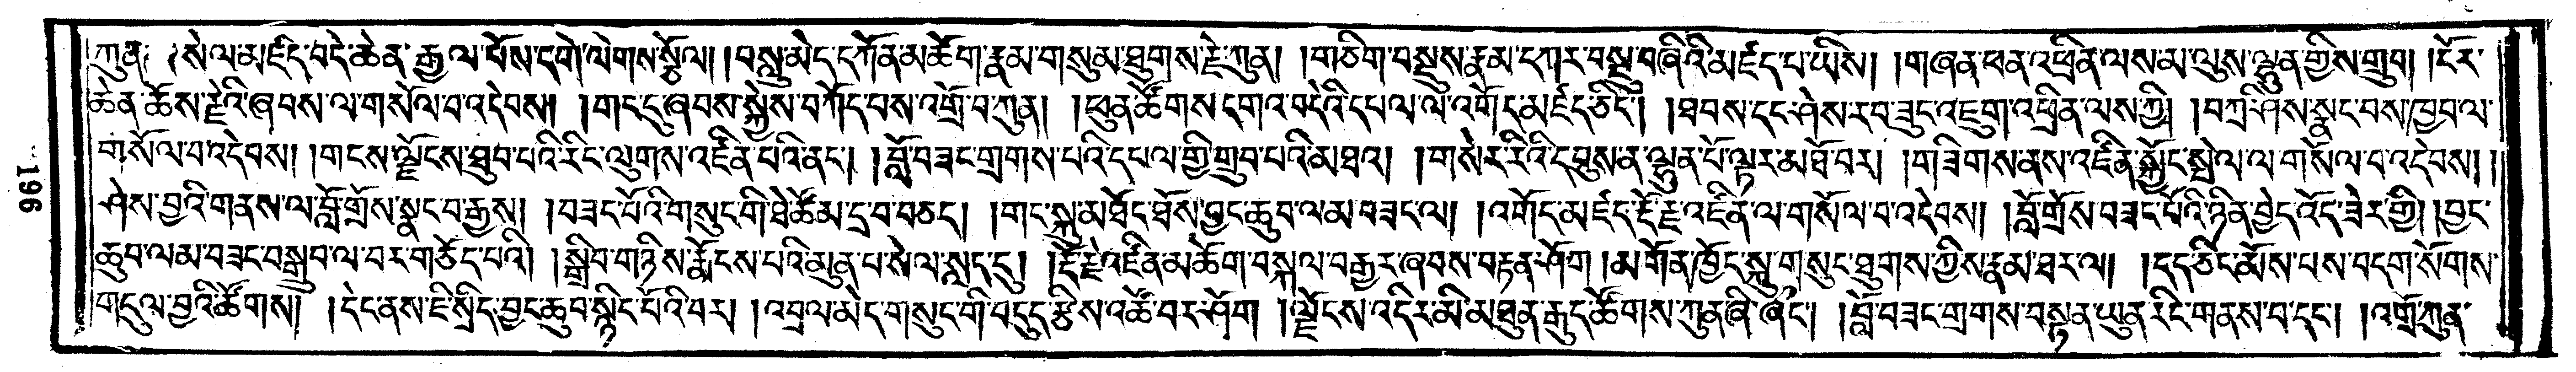ཀུན༑ ༑སེལ་མཛད་བདེ་ཆེན་རྒྱལ་པོས་དགེ་ལེགས་སྩོལ། །བསླུ་མེད་དཀོན་མཆོག་རྣམ་གསུམ་ཐུགས་རྗེ་ཀུན། །གཅིག་བསྡུས་རྣམ་དཀར་བསྡུ་བཞིའི་མཛད་པ་ཡིས། །གཞན་ཕན་འཕྲིན་ལས་མ་ལུས་ལྷུན་གྱིས་གྲུབ། །ངོར་
ཆེན་ཆོས་རྗེའི་ཞབས་ལ་གསོལ་བ་འདེབས། །གང་དུ་ཞབས་སྐྱེས་བཀོད་པས་འགྲོ་བ་ཀུན། །ཕུན་ཚོགས་དགའ་བདེའི་དཔལ་ལ་འགོད་མཛད་ཅིང་། །ཐབས་དང་ཤེས་རབ་ཟུང་འཇུག་འཕྲིན་ལས་ཀྱི། །བཀྲ་ཤིས་སྣང་བས་ཁྱབ་ལ་
གསོལ་བ་འདེབས། །གངས་ལྗོངས་ཐུབ་པའི་རིང་ལུགས་འཛིན་པའི་ནང་། །བློ་བཟང་གྲགས་པའི་དཔལ་གྱི་གྲུབ་པའི་མཐའ། །གསེར་རིའི་དབུས་ན་ལྷུན་པོ་ལྟར་མཐོ་བར། །གཟིགས་ནས་འཛིན་སྐྱོང་སྤེལ་ལ་གསོལ་བ་འདེབས། །
ཤེས་བྱའི་གནས་ལ་བློ་གྲོས་སྣང་བ་རྒྱས། །བཟང་པོའི་གསུང་གི་ཐེ་ཚོམ་དྲ་བ་བཅད། །གང་སྐུ་མཐོང་ཐོས་བྱང་ཆུབ་ལམ་བཟང་ལ། །འགོད་མཛད་རྡོ་རྗེ་འཛིན་ལ་གསོལ་བ་འདེབས། །བློ་གྲོས་བཟང་པོའི་ཉིན་བྱེད་འོད་ཟེར་གྱི། །བྱང་
ཆུབ་ལམ་བཟང་བསྒྲུབ་ལ་བར་གཅོད་པའི། །སྒྲིབ་གཉིས་རྨོངས་པའི་མུན་པ་སེལ་སླད་དུ། །རྡོ་རྗེ་འཛིན་མཆོག་བསྐལ་བརྒྱར་ཞབས་བརྟན་ཤོག །མགོན་ཁྱོད་སྐུ་གསུང་ཐུགས་ཀྱིས་རྣམ་ཐར་ལ། །དད་ཅིང་མོས་པས་བདག་སོགས་
གདུལ་བྱའི་ཚོགས། །དེང་ནས་ཇི་སྲིད་བྱང་ཆུབ་སྙིང་པོའི་བར། །འབྲལ་མེད་གསུང་གི་བདུད་རྩིས་འཚེ་བར་ཤོག །ལྗོངས་འདིར་མི་མཐུན་རྒུད་ཚོགས་ཀུན་ཞི་ཞིང་། །བློ་བཟང་གྲགས་བསྟན་ཡུན་རིང་གནས་བ་དང་། །འགྲོ་ཀུན་